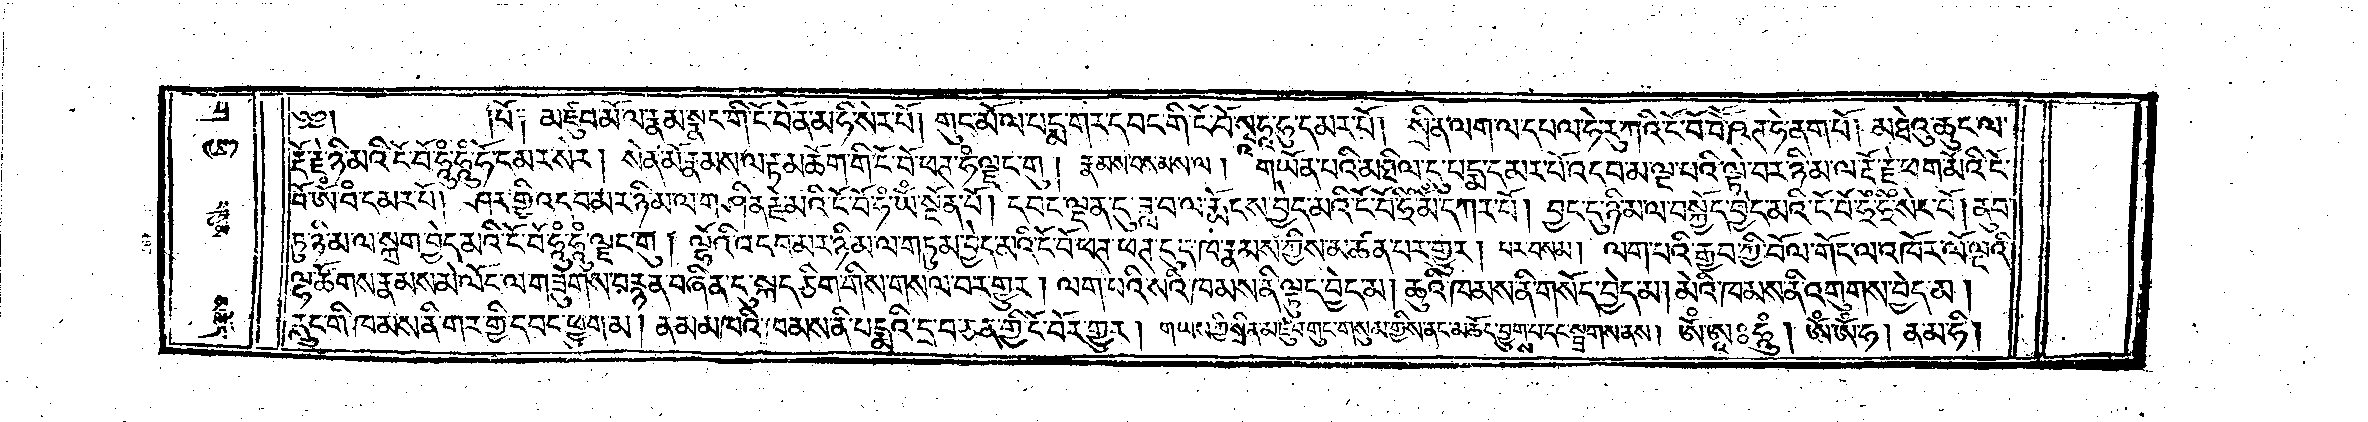༄༅། །པོ༑ མཛུབ་མོ་ལ་རྣམ་སྣང་གི་ངོ་བོ་ན་མ་ཧི་སེར་པོ། གུང་མོ་ལ་པདམ་གར་དབང་གི་ངོ་བོ་སྭཱཧཱ་ཧུ་དམར་པོ། སྲིན་ལག་ལ་དཔལ་ཧེ་རུ་ཀའི་ངོ་བོ་བཽ་ཥཌ་ཧེ་ནག་པོ། མཐེའུ་ཆུང་ལ་
རྡོ་རྗེ་ཉི་མའི་ངོ་བོ་ཧཱུཾ་ཧཱུཾ་ཧོ་དམར་སེར། སེན་མོ་རྣམས་ལ་རྟ་མཆོག་གི་ངོ་བོ་ཕཊ་ཧཾ་ལྗང་གུ། རྣམས་བསམས་ལ།  གཡོན་པའི་མཐིལ་དུ་པདམ་དམར་པོ་འདབ་མ་ལྔ་པའི་ལྟེ་བར་ཉི་མ་ལ་རྡོ་རྗེ་ཕག་མོའི་ངོ་
བོ་ཨོཾ་བཾ་དམར་པོ། ཤར་གྱི་འདབ་མར་ཉི་མ་ལ་གཤིན་རྗེ་མའི་ངོ་བོ་ཧཾ་ཨོཾ་སྔོན་པོ། དབང་ལྡན་དུ་ཟླ་བ་ལ་རྨོངས་བྱེད་མའི་ངོ་བོ་ཧྲི་མོཾ་དཀར་པོ། བྱང་དུ་ཉི་མ་ལ་བསྐྱོད་བྱེད་མའི་ངོ་བོ་ཧྲིཾ་ཧྲིཾ་སེར་པོ། ནུབ་
ཏུ་ཉི་མ་ལ་སྐྲག་བྱེད་མའི་ངོ་བོ་ཧཱུཾ་ཧཱུཾ་ལྗང་གུ། ལྷོའི་འདབ་མར་ཉི་མ་ལ་གཏུམ་བྱེད་མའི་ངོ་བོ་ཕཊ་ཕཊ་དུད་ཁ་རྣམས་ཀྱིས་མཚན་པར་གྱུར། པར་བསམ།  ལག་པའི་རྒྱབ་ཀྱི་བོལ་གོང་ལ་འཁོར་ལོ་ལྔའི་
ལྷ་ཚོགས་རྣམས་མེ་ལོང་ལ་གཟུགས་བརྙན་བཞིན་དུ་སྐད་ཅིག་གིས་གསལ་བར་གྱུར། ལག་པའི་སའི་ཁམས་ནི་ལྟུང་བྱེད་མ། ཆུའི་ཁམས་ནི་གསོད་བྱེད་མ། མེའི་ཁམས་ནི་འགུགས་བྱེད་མ།
རླུང་གི་ཁམས་ནི་གར་གྱི་དབང་ཕྱུག་མ། ནམ་མཁའི་ཁམས་ནི་པདམའི་དྲ་བ་ཅན་གྱི་ངོ་བོར་གྱུར། གཡས་ཀྱི་སྲིན་མཛུབ་གུང་གསུམ་གྱིས་ནང་མཆོད་བྱུགས་པ་དང་སྦྲགས་ནས།  ཨོཾ་ཨཱཿཧཱུཾ། ཨོཾ་ཨོཾ་ཧ། ན་མ་ཧི།